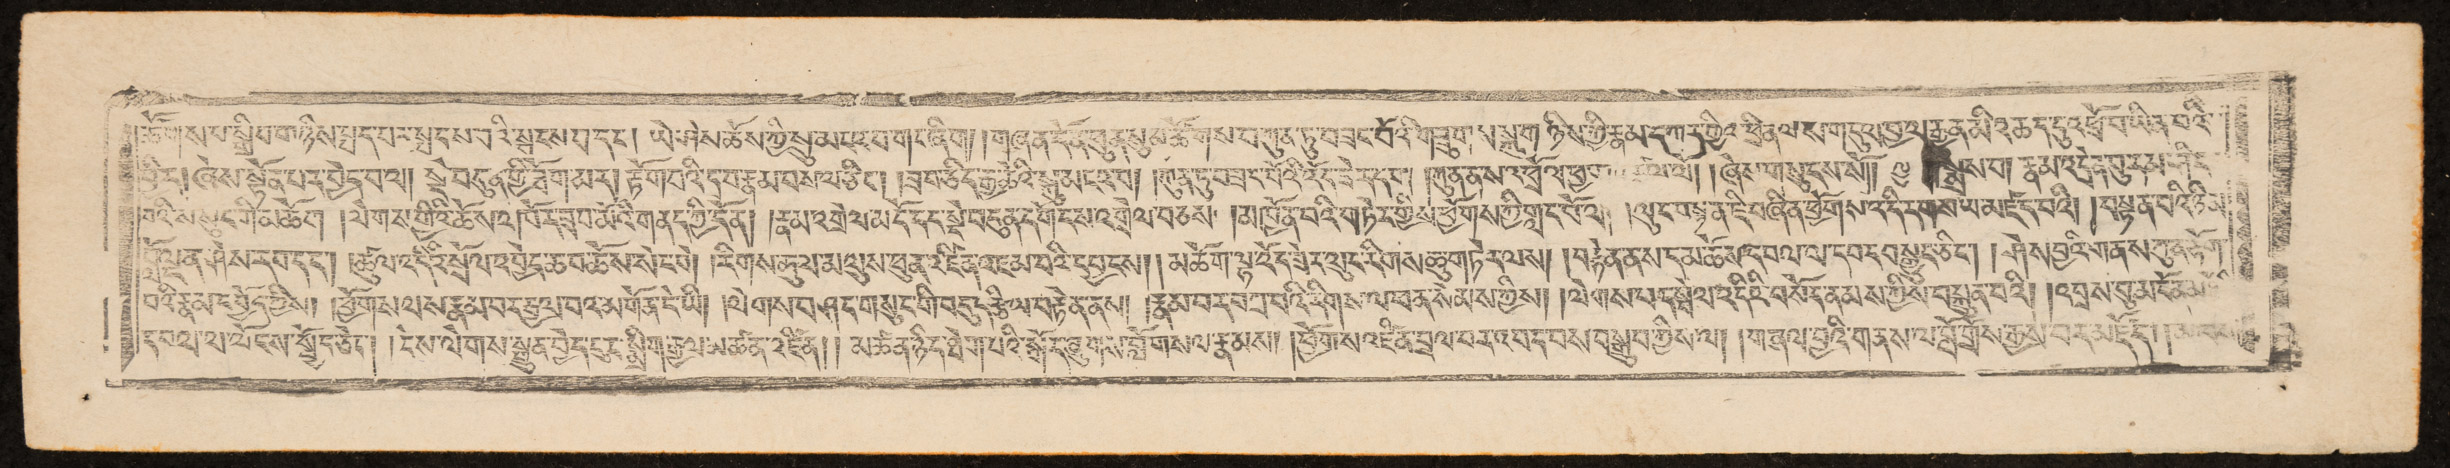ཚོགས་པ་སྒྲིབ་གཉིས་ཟད་པར་སྤངས་པའི་སྤངས་པ་དང་། ཡེ་ཤེས་ཆོས་ཀྱི་སྐུ་མངའ་བ་གང་ཞིག །གཞན་དོན་ཕུན་སུམ་ཚོགས་པ་ཀུན་ཏུ་བཟང་པོའི་གཟུགས་སྐུ་གཉིས་ཀྱི་རྣམ་དཀར་གྱི་འཕྲིན་ལས་གདུལ་བྱ་ལ་རྒྱུན་མི་འཆད་དུ་ཕྲོ་བ་ཡིན་པའི་
ཕྱིར། ཞེས་སྟོན་པར་བྱེད་པ་ལ། སྡེ་བདུན་གྱི་ཐོག་མར། རྟོགས་པའི་དྲ་བ་རྣམ་བསལ་ཅིང་། །ཟབ་ཅིང་རྒྱ་ཆེའི་སྐུ་མངའ་བ། །ཀུན་ཏུ་བཟང་པོའི་འོད་ཟེར་དག། །ཀུན་ནས་འཕྲོ་ལ་ཕྱག་འཚལ་ལོ། །ཞེས་གསུངས་སོ།། ༈ །།སྨྲས་པ། སྨྲ་འདྲེན་བུར་མ་ཤིང་
པའི་གསུང་གི་མཆོག །ལེགས་ཕྱེའི་ཆོས་འཁོར་ཟབ་མོའི་གནད་ཀྱི་དོན། །རྣམ་འགྲལ་མདོ་དང་སྡེ་བདུན་དགོངས་འགྲེལ་བཅས། །མཁྱེན་པའི་གཏེར་གྱིས་ཕྱོགས་ཀྱི་གླང་པོ་ལ། །ལུང་བསྟན་ཇི་བཞིན་ཕྱོགས་འདིར་གསལ་མཛད་པའི། །བསྟན་པའི་ཉི་མ་
བློ་ལྡན་ཤེས་རབ་དང་། །ཚུལ་འདིའི་སྲོལ་འབྱེད་ཆ་པ་ཆོས་སེང་གེ། །རིགས་ཚུལ་མ་ལུས་ཀུན་འཛིན་འཇམ་པའི་དབྱངས། །མཆོག་ལྷ་འོད་ཟེར་ལུང་རིགས་ཆུ་གཏེར་ལས། །བརྟེན་ནས་དམ་ཆོས་དཔལ་ལ་དབང་བསྒྱུར་ཅིང་། །ཤེས་བྱའི་གནས་ཀུན་རྟོགས་
པའི་རྣམ་དཔྱོད་ཀྱིས། །ཕྱོགས་ལས་རྣམ་པར་རྒྱལ་བའི་མགོན་དེ་ཡི། །ལེགས་བཤད་གསུང་གི་བདུད་རྩི་ལ་བརྟེན་ནས། །རྣམ་པར་བཀྲ་བའི་རིགས་ལ་ཕན་སེམས་ཀྱིས། །ལེགས་པར་སྤེལ་འདིའི་བསོད་ནམས་ཀྱིས་བསྐྲུན་པའི། །འབྲས་བུ་མངོན་མཐོའི་
རྭ་ཚང་གི་ཡིག་ཆ་བསྡུས་རྭ་ཆུན་གྲུན་བྱེད་ངུར་སྨྲིག་རྒྱལ་མཚན་འཛིན། །མཚན་ཉིད་ཐེག་པའི་སྒོར་ཞུགས་བློ་གསལ་རྣམས། །ཕྱོགས་འཛིན་བྲལ་བར་འདད་པས་བསྒྲུབ་ཀྱིས་ལ། །གཞལ་བྱའི་གནས་ལ་བློ་གྲོས་རྒྱས་པར་མཛོད། །མཁས་